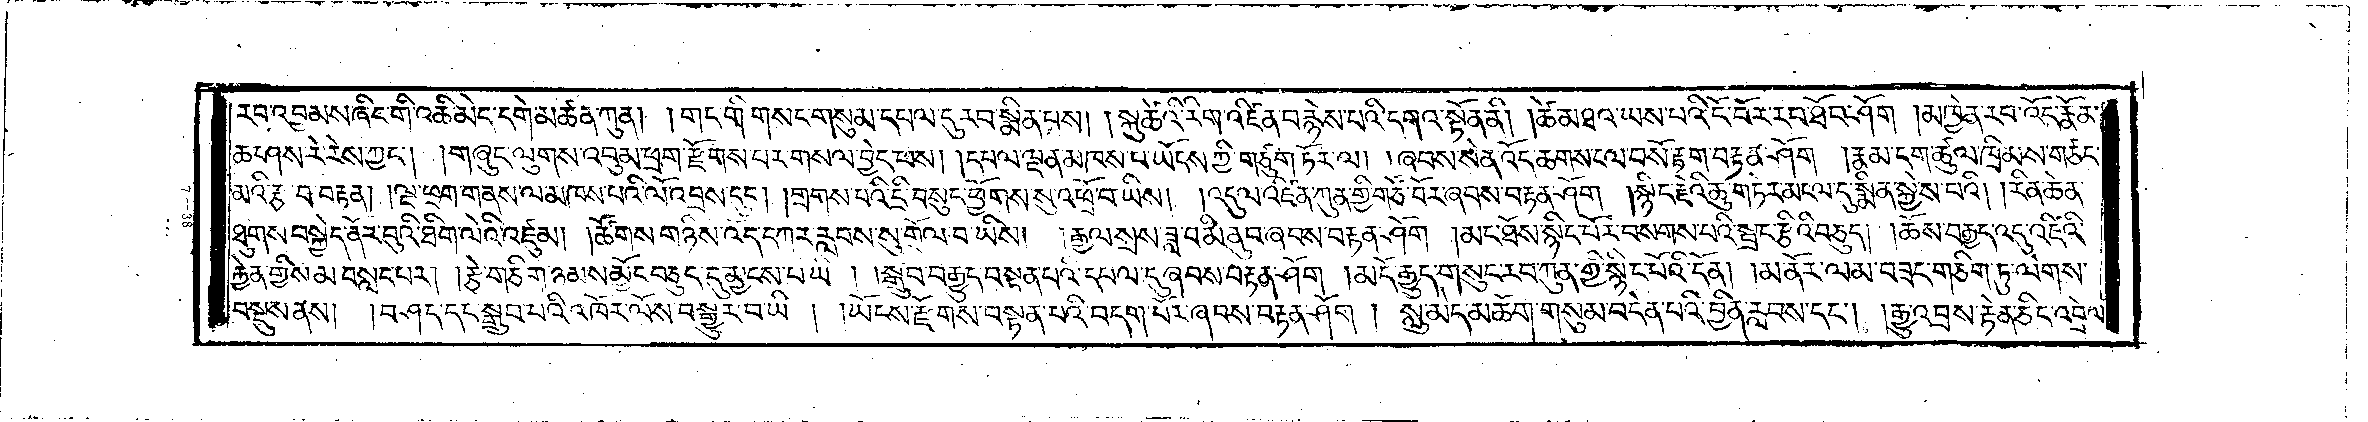རབ་འབྱམས་ཞིང་གི་འཆི་མེད་དགེ་མཚན་ཀུན། །གང་གི་གསང་གསུམ་དཔལ་དུ་རབ་སྨིན་པས། །སྐུ་ཚེའི་རིག་འཛིན་བརྙེས་པའི་དགའ་སྟོན་ནི། །ཚེ་མཐའ་ཡས་པའི་ངོ་བོར་རབ་ཐོབ་ཤོག །མཁྱེན་རབ་འོད་རྣོན་
ཆ་ཤས་རེ་རེས་ཀྱང་། །གཞུང་ལུགས་འབུམ་ཕྲག་རྫོགས་པར་གསལ་བྱེད་པས། །དཔལ་ལྡན་མཁས་པ་ཡོངས་ཀྱི་གཙུག་ཏོར་ལ། །ཞབས་སེན་འོད་ཆགས་ངལ་བསོ་རྟག་བརྟན་ཤོག །རྣམ་དག་ཚུལ་ཁྲིམས་གཙང་
མའི་རྩ་བ་བརྟན། །ལྔ་ཕྲག་གནས་ལ་མཁས་པའི་ལོ་འབྲས་དུད། །གྲགས་པའི་དྲི་བསུང་ཕྱོགས་སུ་འཕྲོ་བ་ཡིས། །འདུལ་འཛིན་ཀུན་གྱི་གཙོ་བོར་ཞབས་བརྟན་ཤོག །སྙིང་རྗེའི་ཆུ་གཏེར་མངལ་དུ་སྨིན་སྐྱེས་པའི། །རིན་ཆེན་
ཐུགས་བསྐྱེད་ནོར་བུའི་ཐིག་ལེའི་འཛུམ། །ཚོགས་གཉིས་འོད་དཀར་རླབས་སུ་གྲོལ་བ་ཡིས། །རྒྱལ་སྲས་ཟླ་བ་མི་ནུབ་ཞབས་བརྟན་ཤོག །མང་ཐོས་སྙིང་པོར་བསགས་པའི་སྦྲང་རྩིའི་བཅུད། །ཆོས་བརྒྱད་འདུ་འཛིའི་
རྐྱེན་གྱིས་མ་བསླད་པར། །རྩེ་གཅིག་ཉམས་མྱོང་བཅུད་དུ་མྱངས་པ་ཡི། །སྒྲུབ་བརྒྱུད་བསྟན་པའི་དཔལ་དུ་ཞབས་བརྟན་ཤོག །མདོ་རྒྱུད་གསུང་རབ་ཀུན་གྱི་སྙིང་པོའི་དོན། །མ་ནོར་ལམ་བཟང་གཅིག་ཏུ་ལེགས་
བསྡུས་ནས། །བཤད་དང་སྒྲུབ་པའི་འཁོར་ལོས་བསྒྱུར་བ་ཡི། །ཡོངས་རྫོགས་བསྟན་པའི་བདག་པོར་ཞབས་བརྟན་ཤོག །སླུ་མེད་མཆོག་གསུམ་བདེན་པའི་བྱིན་རླབས་དང་། །རྒྱུ་འབྲས་རྟེན་ཅིང་འབྲེལ་